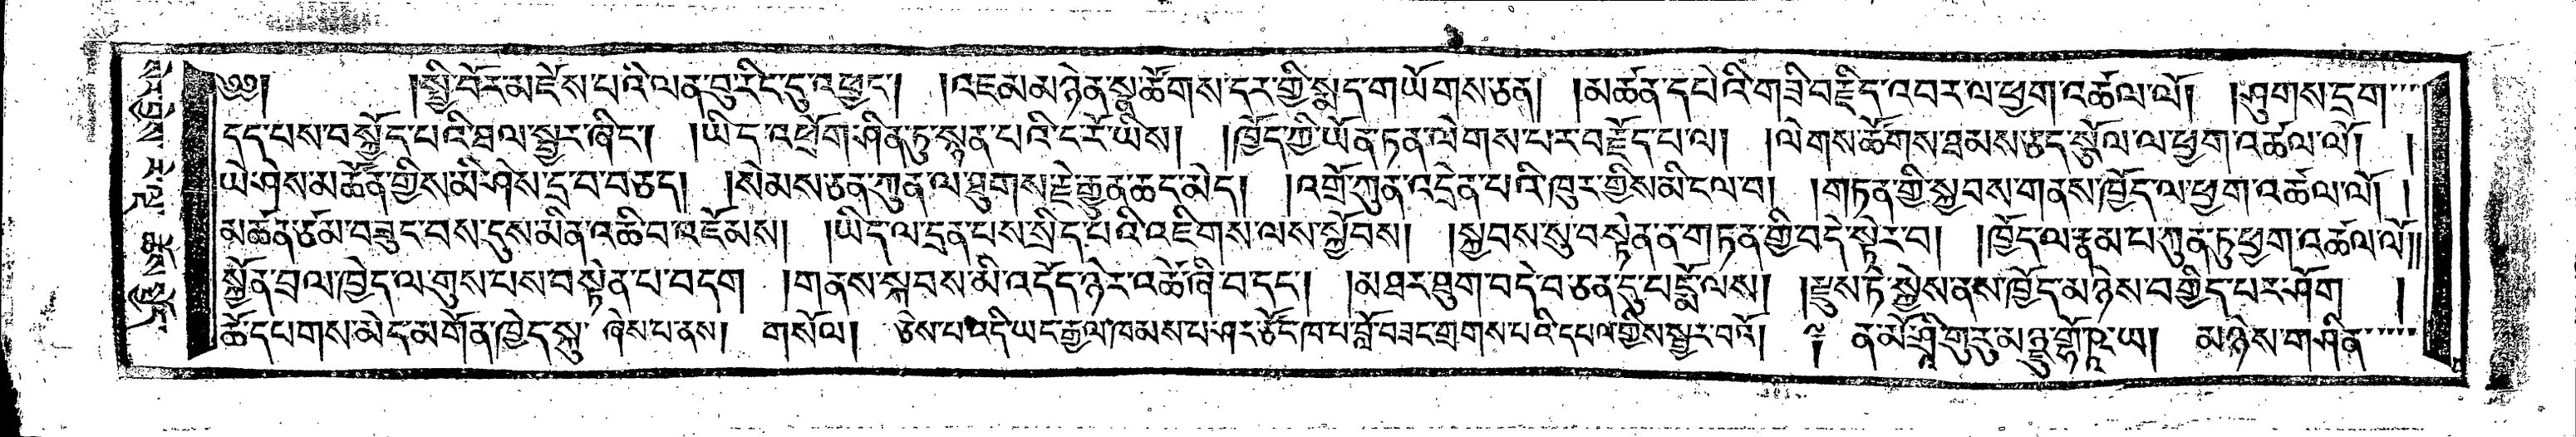༄༅། །སྤྱི་བོར་མཛེས་པའི་ལན་བུ་རིང་དུ་འཕྱང་། །འཇམ་མཉེན་སྣ་ཚོགས་དར་གྱི་སྨད་གཡོགས་ཅན། །མཚན་དཔེའི་གཟི་བརྗིད་འབར་ལ་ཕྱག་འཚལ་ལོ། །ཤུགས་དྲག་
དད་པས་བསྐྱོད་པའི་ཐལ་སྦྱར་ཞིང་། །ཡིད་འཕྲོག་ཤིན་ཏུ་སྙན་པའི་ང་རོ་ཡིས། །ཁྱོད་ཀྱི་ཡོན་ཏན་ལེགས་པར་བརྗོད་པ་ལ། །ལེགས་ཚོགས་ཐམས་ཅད་སྩོལ་ལ་ཕྱག་འཚལ་ལོ། །
ཡེ་ཤེས་མཚོན་གྱིས་མི་ཤེས་དྲ་བ་བཅད། །སེམས་ཅན་ཀུན་ལ་ཐུགས་རྗེ་རྒྱུན་ཆད་མེད། །འགྲོ་ཀུན་འདྲེན་པའི་ཁུར་གྱིས་མི་ངལ་བ། །གཏན་གྱི་སྐྱབས་གནས་ཁྱོད་ལ་ཕྱག་འཚལ་ལོ། །
མཚན་ཙམ་བཟུང་བས་དུས་མིན་འཆི་བ་འཇོམས། །ཡིད་ལ་དྲན་པས་སྲིད་པའི་འཇིགས་ལས་སྐྱོབས། །སྐྱབས་སུ་བསྟེན་ན་གཏན་གྱི་བདེ་སྟེར་བ། །ཁྱོད་ལ་རྣམ་པ་ཀུན་ཏུ་ཕྱག་འཚལ་ལོ། །
སྐྱོན་བྲལ་ཁྱེད་ལ་གུས་པས་བསྟེན་པ་བདག །གནས་སྐབས་མི་འདོད་ཉེར་འཚེ་ཞི་བ་དང་། །མཐར་ཐུག་བདེ་བ་ཅན་དུ་པདམོ་ལས། །རྫུས་ཏེ་སྐྱེས་ནས་ཁྱོད་མཉེས་བགྱིད་པར་ཤོག །
ཚེ་དཔགས་མེད་མགོན་ཁྱེད་སྐུ་ཞེས་པ་ནས། གསོལ། ཅེས་པ་འདི་ཡང་རྒྱལ་ཁམས་པ་ཤར་ཙོང་ཁ་པ་བློ་བཟང་གྲགས་པའི་དཔལ་གྱིས་སྦྱར་བའོ། ༈ ན་མོ་ཤྲཱི་གུ་རུ་མཉྫུ་གྷོ་ཥཱ་ཡ། མཉེས་གཤིན་